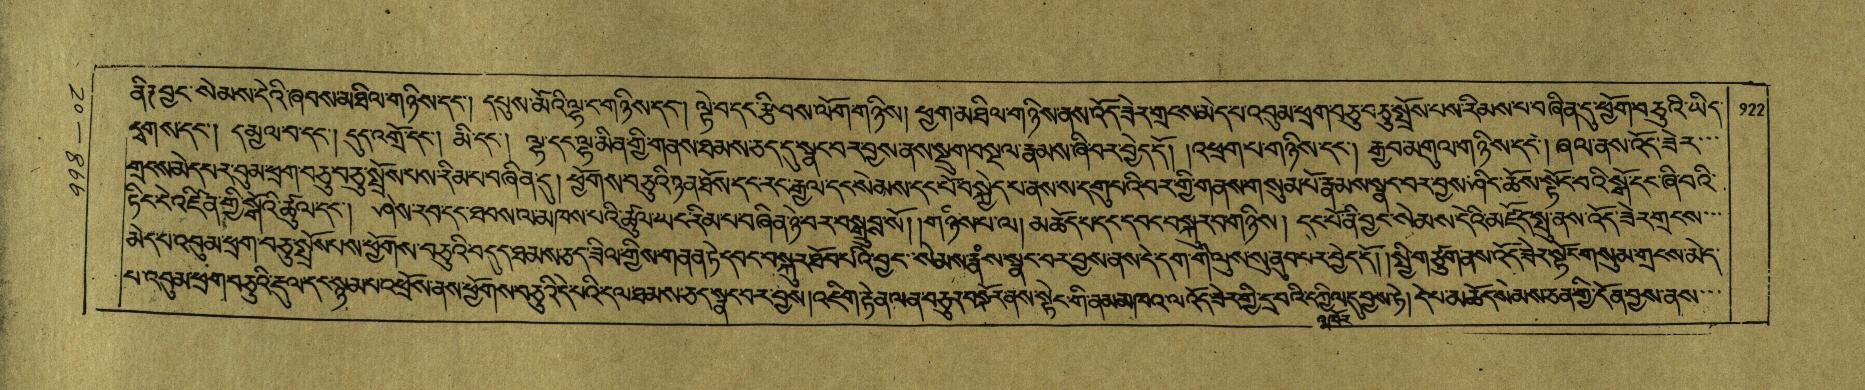ནི༑ བྱང་སེམས་དེའི་ཞབས་མཐིལ་གཉིས་དང་། དཔུས་མོའི་ལྷ་ང་གཉིས་དང་། ལྟེ་བ་དང་རྩིབས་ལོག་གཉིས། ཕྱག་མཐིལ་གཉིས་ནས་འོད་ཟེར་གྲངས་མེད་པ་འབུམ་ཕྲག་བཅུ་བཅུ་སྤྲོས་པས་རིམས་པ་བཞིན་དུ་ཕྱོགས་བཅུའི་ཡིད་
དྭགས་དང་། དམྱལ་བ་དང་། དུད་འགྲོ་དང་། མི་དང་། ལྷ་དང་ལྷ་མིན་གྱི་གནས་ཐམས་ཅད་དུ་སྣང་བར་བྱས་ནས་སྡུག་བསྔལ་རྣམས་ཞི་བར་བྱེད་དོ། །འཕྲག་པ་གཉིས་དང་། རྒྱབ་མགུལ་གཉིས་དང་། ཞལ་ནས་འོད་ཟེར་
གྲངས་མེད་པར་བུམ་ཕྲག་བཅུ་བཅུ་སྤྲོས་པས་རིམ་པ་བཞིན་དུ། ཕྱོགས་བཅུའི་ཉན་ཐོས་དང་རང་རྒྱལ་དང་སེམས་དང་པོ་བསྐྱེད་པ་ནས་ས་དགུ་པའི་བར་གྱི་གནས་གསུམ་པོ་རྣམས་སྣང་བར་བྱས་ཤིང་ཆོས་སྟོང་བའི་སྒོ་དང་ཞི་བའི་
ཏིང་ངེ་འཛིན་གྱི་སྒོའི་ཚུལ་དང་། ཤེས་རབ་དང་ཐབས་ལ་མཁས་པའི་ཚུལ་ཡང་རིམ་པ་བཞིན་ཉེ་བར་བསྒྲུབས་སོ། །གཉིས་པ་ལ། མཆོད་པ་དང་དབང་བསྐུར་བ་གཉིས། དང་པོ་ནི་བྱང་སེམས་དེའི་མཛོད་སྤུ་ནས་འོད་ཟེར་གྲངས་
མེད་པ་འབུམ་ཕྲག་བཅུ་སྤྲོས་པས་ཕྱོགས་བཅུའི་བདུད་ཐམས་ཅད་ཟིལ་གྱིས་གནན་ཏེ་དབང་བསྐུར་ཐོབ་པའི་བྱང་སེམས་རྣཾས་སྣང་བར་བྱས་ནས་དེ་དག་གི་ལུས་སུ་ནུབ་པར་བྱེད་དོ། །སྤྱི་གཙུག་ནས་འོད་ཟེར་སྟོང་གསུམ་གྲངས་མེད་
པ་འབུམ་ཕྲག་བཅུའི་རྡུལ་དང་སྙམ་པ་འཕྲོས་ནས་ཕྱོགས་བཅུའི་དེ་པའི་དལ་ཐམས་ཅད་སྣང་བར་བྱས། འཇིག་རྟེན་ལན་བཅུར་བསྐོར་ནས་སྟེང་གི་ནམ་མཁའ་ལ་འོད་ཟེར་གྱི་དྲ་བའི་དཀྱིལ་འཁོར་དུ་བྱས་ཏེ། དེ་པ་མཆོད་སེམས་ཅན་གྱི་དོན་བྱས་ནས་